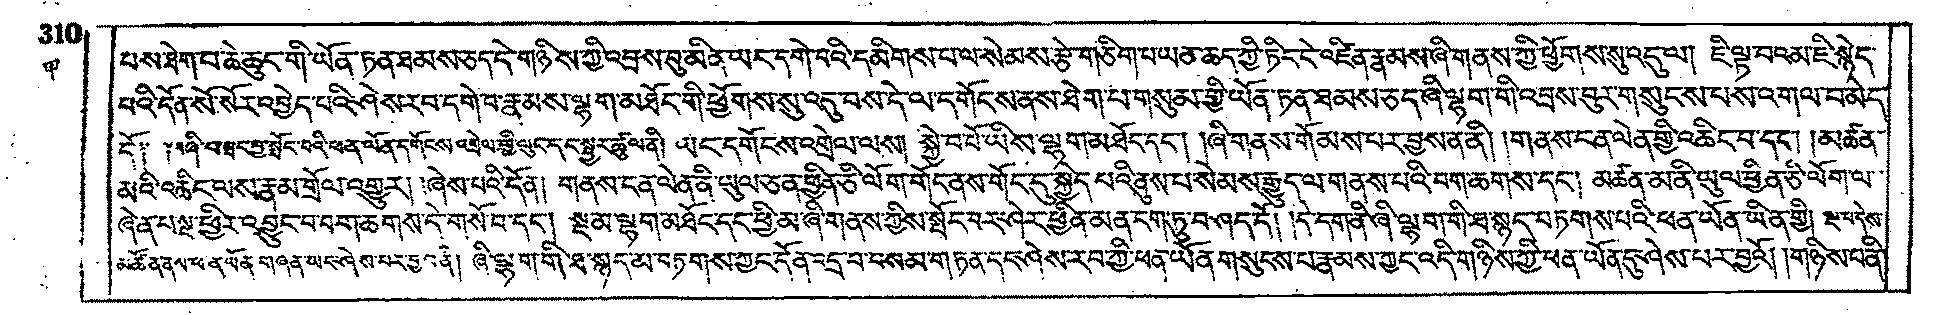པས་ཐེག་པ་ཆེ་ཆུང་གི་ཡོན་ཏན་ཐམས་ཅད་དེ་གཉིས་ཀྱི་འབྲས་བུ་མིན་ཡང་དགེ་བའི་དམིགས་པ་ལ་སེམས་རྩེ་གཅིག་པ་ཡན་ཆད་ཀྱི་ཏིང་ངེ་འཛིན་རྣམས་ཞི་གནས་ཀྱི་ཕྱོགས་སུ་འདུ་ལ། ཇི་ལྟ་བའམ་ཇི་སྙེད་
པའི་དོན་སོ་སོར་འབྱེད་པའི་ཤེས་རབ་དགེ་བ་རྣམས་ལྷག་མཐོང་གི་ཕྱོགས་སུ་འདུ་བས་དེ་ལ་དགོངས་ནས་ཐེག་པ་གསུམ་གྱི་ཡོན་ཏན་ཐམས་ཅད་ཞི་ལྷག་གི་འབྲས་བུར་གསུངས་པས་འགལ་བ་མེད་
དོ༑ ༑བཞི་པ་སྤང་བྱ་སྤོང་བའི་ཕན་ཡོན་དགོངས་འགྲེལ་གྱི་ལུང་དང་སྦྱར་ཚུལ་ནི།  ཡང་དགོངས་འགྲེལ་ལས། སྐྱེ་བ་པོ་ཡིས་ལྷག་མཐོང་དང་། །ཞི་གནས་གོམས་པར་བྱས་ན་ནི། །གནས་ངན་ལེན་གྱི་འཆིང་བ་དང་། །མཚན་
མའི་འཆིང་ལས་རྣམ་གྲོལ་འགྱུར། །ཞེས་པའི་དོན། གནས་ངན་ལེན་ནི་ཡུལ་ཅན་ཕྱིན་ཅི་ལོག་གོང་ནས་གོང་དུ་སྐྱེད་པའི་ནུས་པ་སེམས་རྒྱུད་ལ་གནས་པའི་བག་ཆགས་དང་། མཚན་མ་ནི་ཡུལ་ཕྱིན་ཅི་ལོག་ལ་
ཞེ་ན་པ་སྔ་ཕྱིར་འབྱུང་བ་བག་ཆགས་དེ་གསོ་བ་དང་། སྔ་མ་ལྷག་མཐོང་དང་ཕྱི་མ་ཞི་གནས་ཀྱིས་སྤོང་བར་ཤེར་ཕྱིན་མན་ངག་ཏུ་བཤད་དོ། །དེ་དག་ནི་ཞི་ལྷག་གི་ཐ་སྙད་བཏགས་པའི་ཕན་ཡོན་ཡིན་གྱི། ལྔ་པ་དེས་
མཚོན་ནས་ཕན་ཡོན་གཞན་ཡང་ཤེས་པར་བྱ་བ་ནི། ཞི་ལྷག་གི་ཐ་སྙད་མ་བཏགས་ཀྱང་དོན་འདྲ་བ་བསམ་གཏན་དང་ཤེས་རབ་ཀྱི་ཕན་ཡོན་གསུངས་པ་རྣམས་ཀྱང་འདི་གཉིས་ཀྱི་ཕན་ཡོན་དུ་ཤེས་པར་བྱའོ། །གཉིས་པ་ནི་